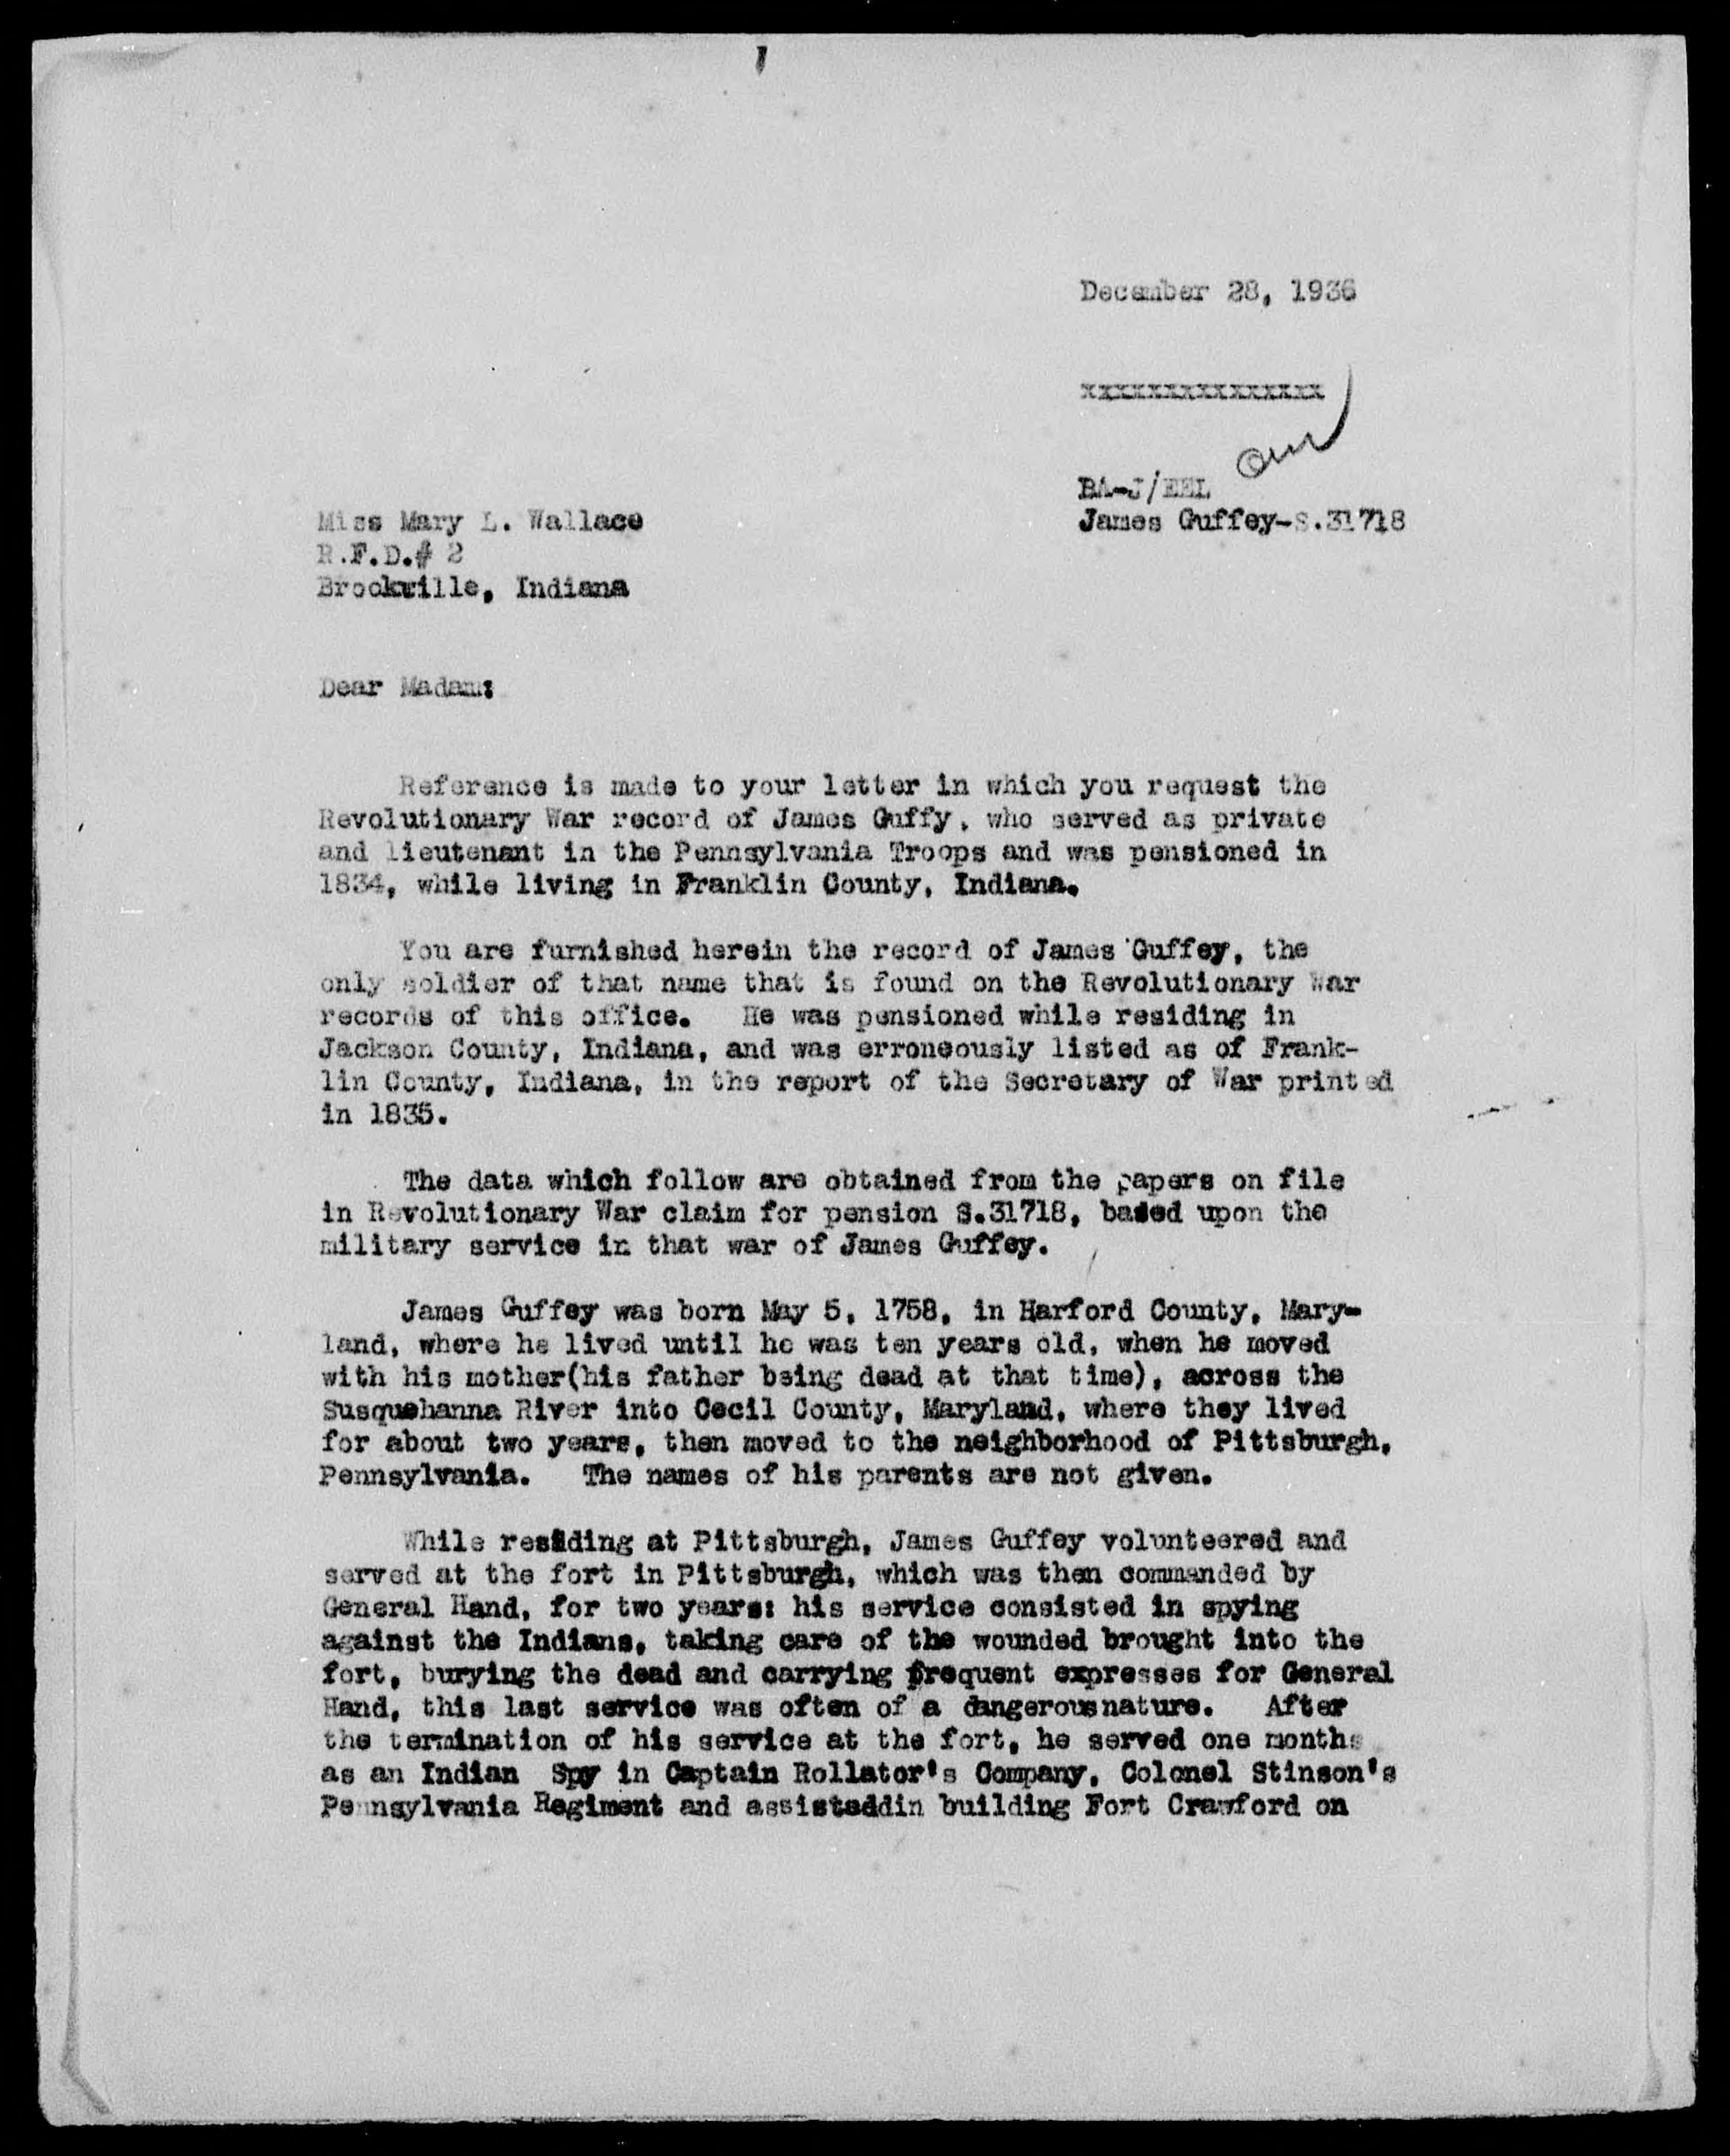December 28, 1936
XXXXXXXXXXX
BA-J/EEL [initialed]
James Guffey - S.31718

Miss Mary L. Wallace
R.F.D. #2
Brockville, Indiana

Dear Madam:

Reference is made to your letter in which you request the Revolutionary War record of James Guffy, who served as private and lieutenant in the Pennsylvania Troops and was pensioned in 1934, while living in Franklin County, Indiana.
You are furnished herein the record of James Guffey, the only soldier of that name that is found on the Revolutionary War records of this office. He was pensioned while residing in Jackson County, Indiana, and was erroneously listed as of Franklin County, Indiana, in the report of the Secretary of War printed in 1835.

The data which follow are obtained from the papers on file in Revolutionary War claim for pension S.31718, based upon the military service in that war of James Guffey.

James Guffey was born May 5, 1758, in Harford County, Maryland, where he lived until he was ten years old, when he moved with his mother (his father being dead at that time), across the Susquehanna River into Cecil County, Maryland, where they lived for about two years, then moved to the neighborhood of Pittsburgh, Pennsylvania. The names of his parents are not given. 
 
While residing at Pittsburgh, James Guffey volunteered and served at the fort in Pittsburgh, which was then commanded by General Hand, for two years: his service consisted in spying against the Indians, taking care of the wounded brought into the fort, burying the dead and carrying frequent expresses for General Hand, this last service was often of a dangerous nature. After the termination of his service at the fort, he served one month as an Indian Spy in Captain Rollator's Company, Colonel Stinson's Pennsylvania Regiment and assisted in  building Fort Crawford on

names: James Guffey, James Guffey, James Guffey, Mary L Wallace, James Guffy, Hand, James Guffey, James Guffey, Hand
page: 17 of 36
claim: survivor's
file: S. 31,718, James Guffey, Penn.